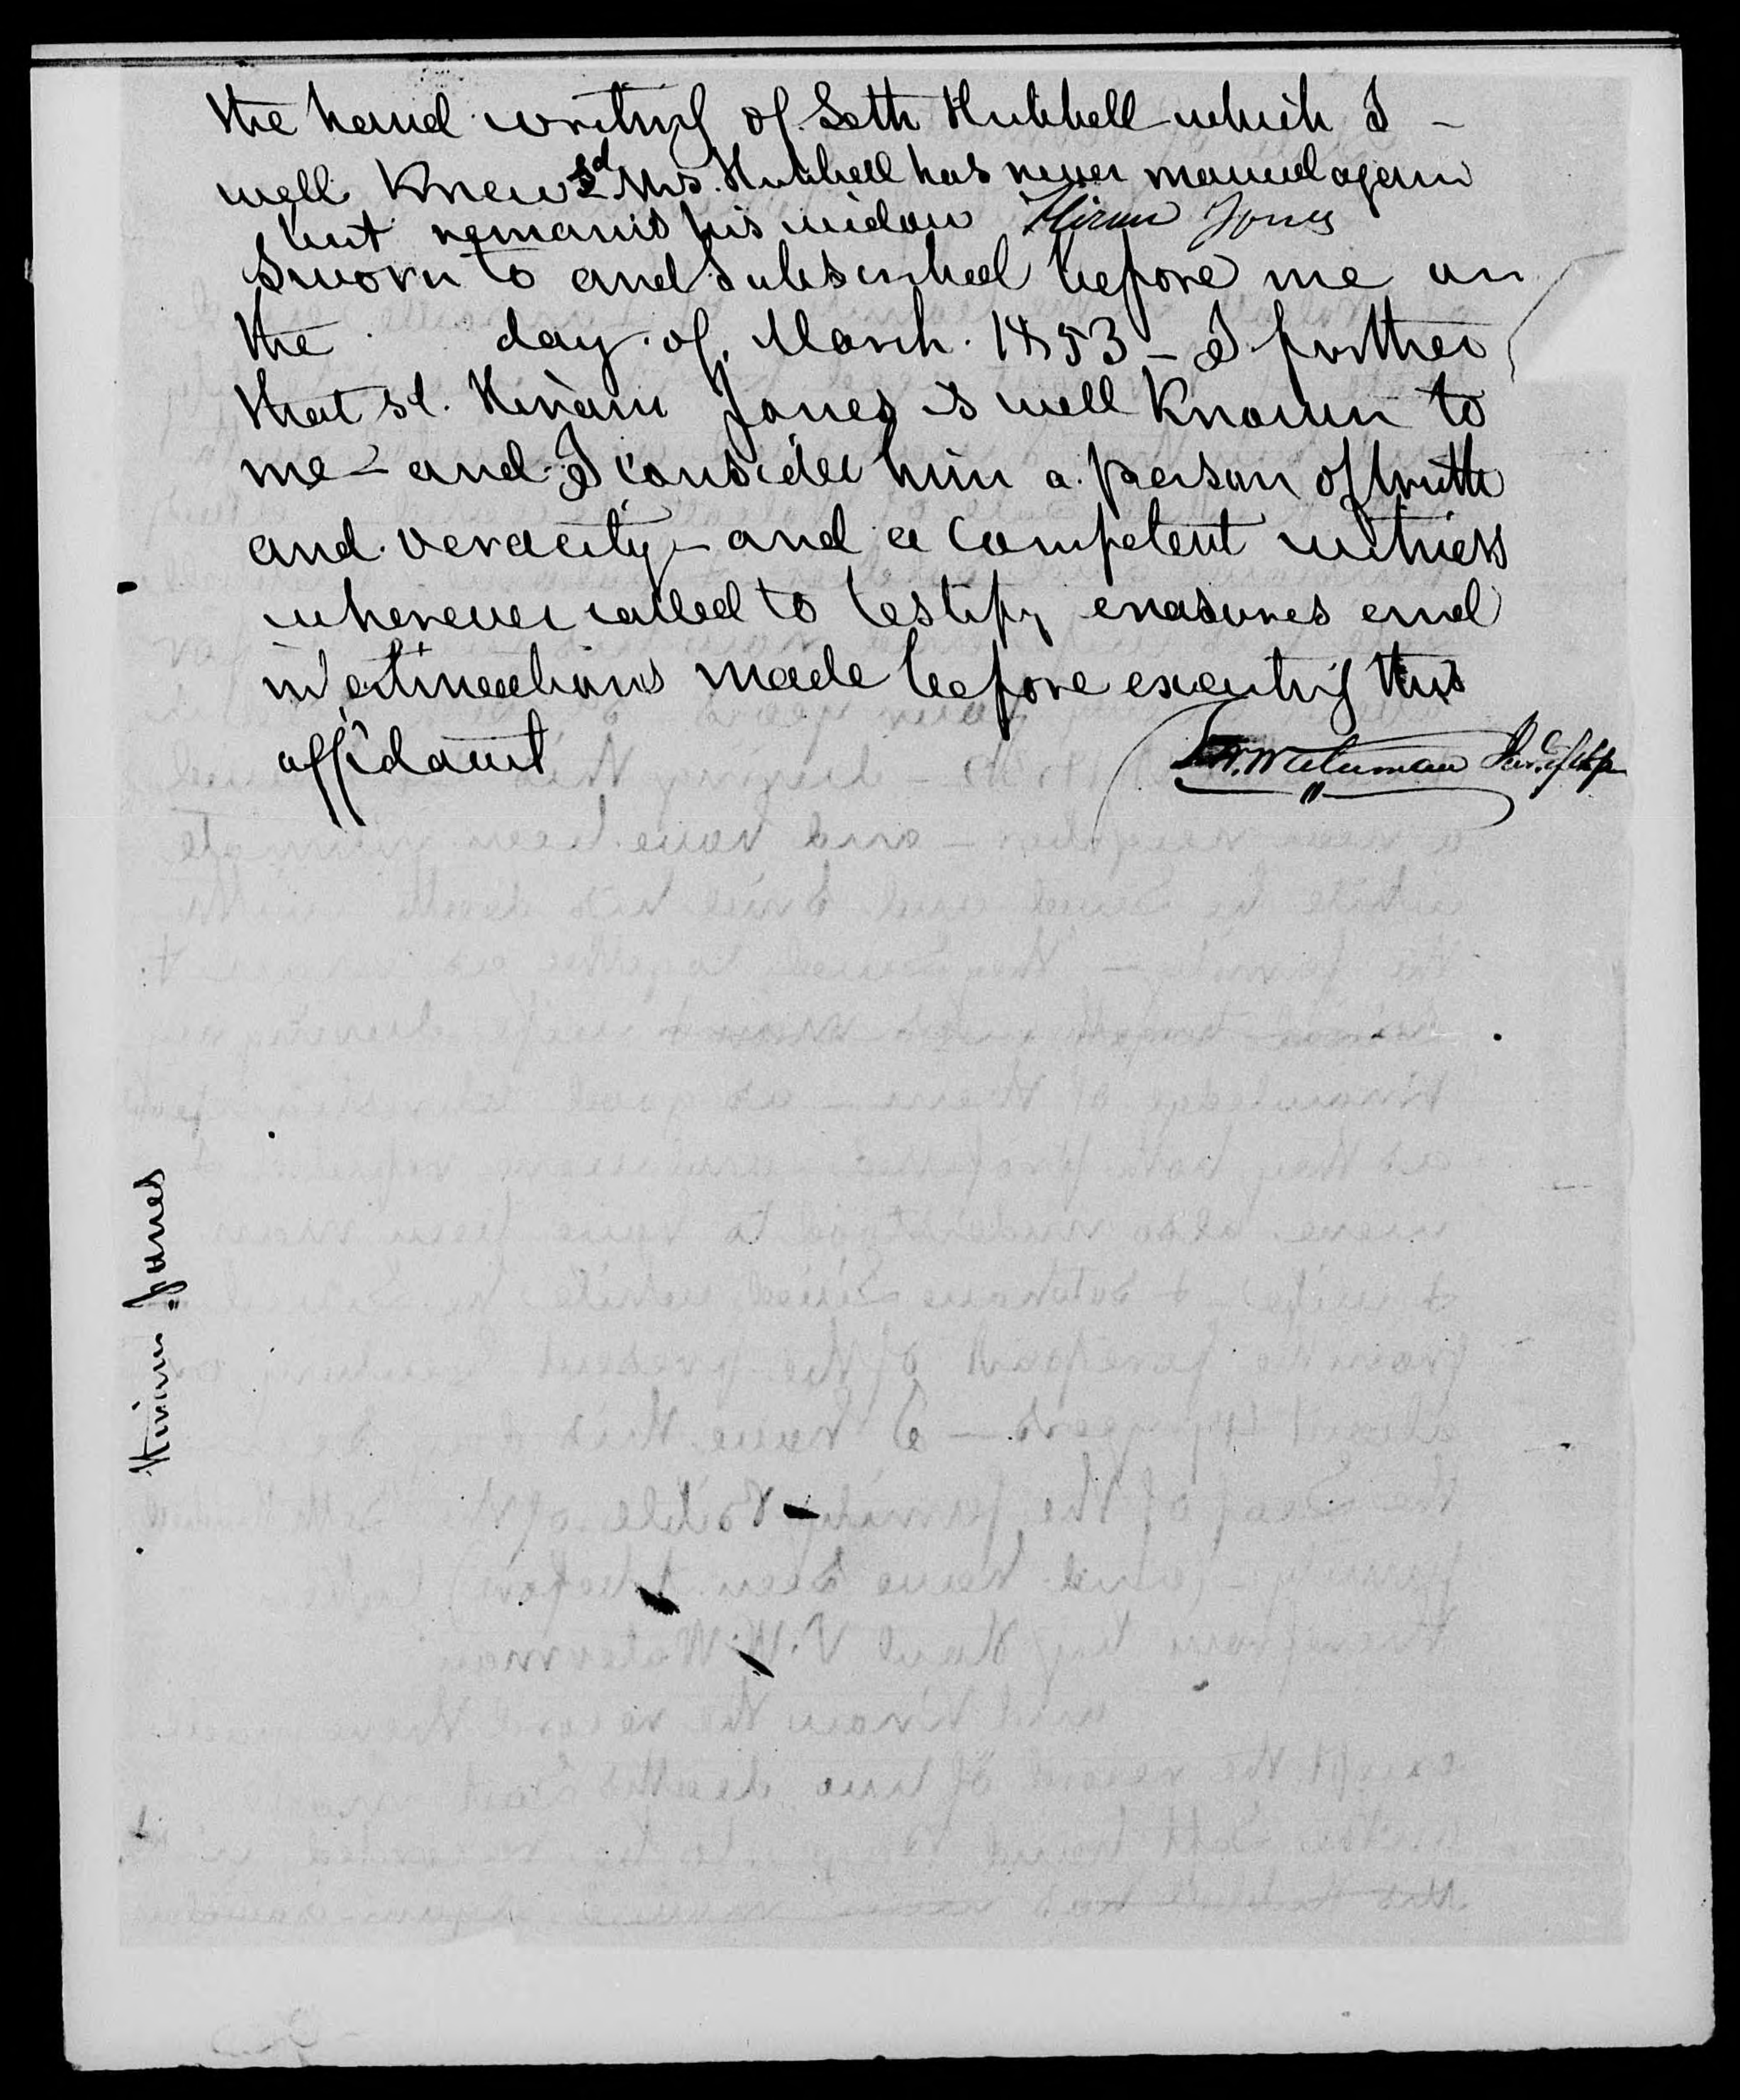the hand writing of Seth Hubbell which I well knew sd Mrs. Hubbell has never married again but remains his widow   Hiram Jones
Sworn to and subscribed before me on the day [blank space]of March 1853 _ I further that sd. Hiram Jones is well known to me and I consider him a person of truth and veracity - and a competent witness wherever called to testify [illegible] and in [illegible] made before [illegible] this affidavit 
V.W. Waterman [illegible]

[sideways on the left] Hiram Jones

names: Seth Hubbell, Hiram Jones, V W Waterman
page: 25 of 114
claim: widow's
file: W. 2115, Seth Hubbell, Conn.